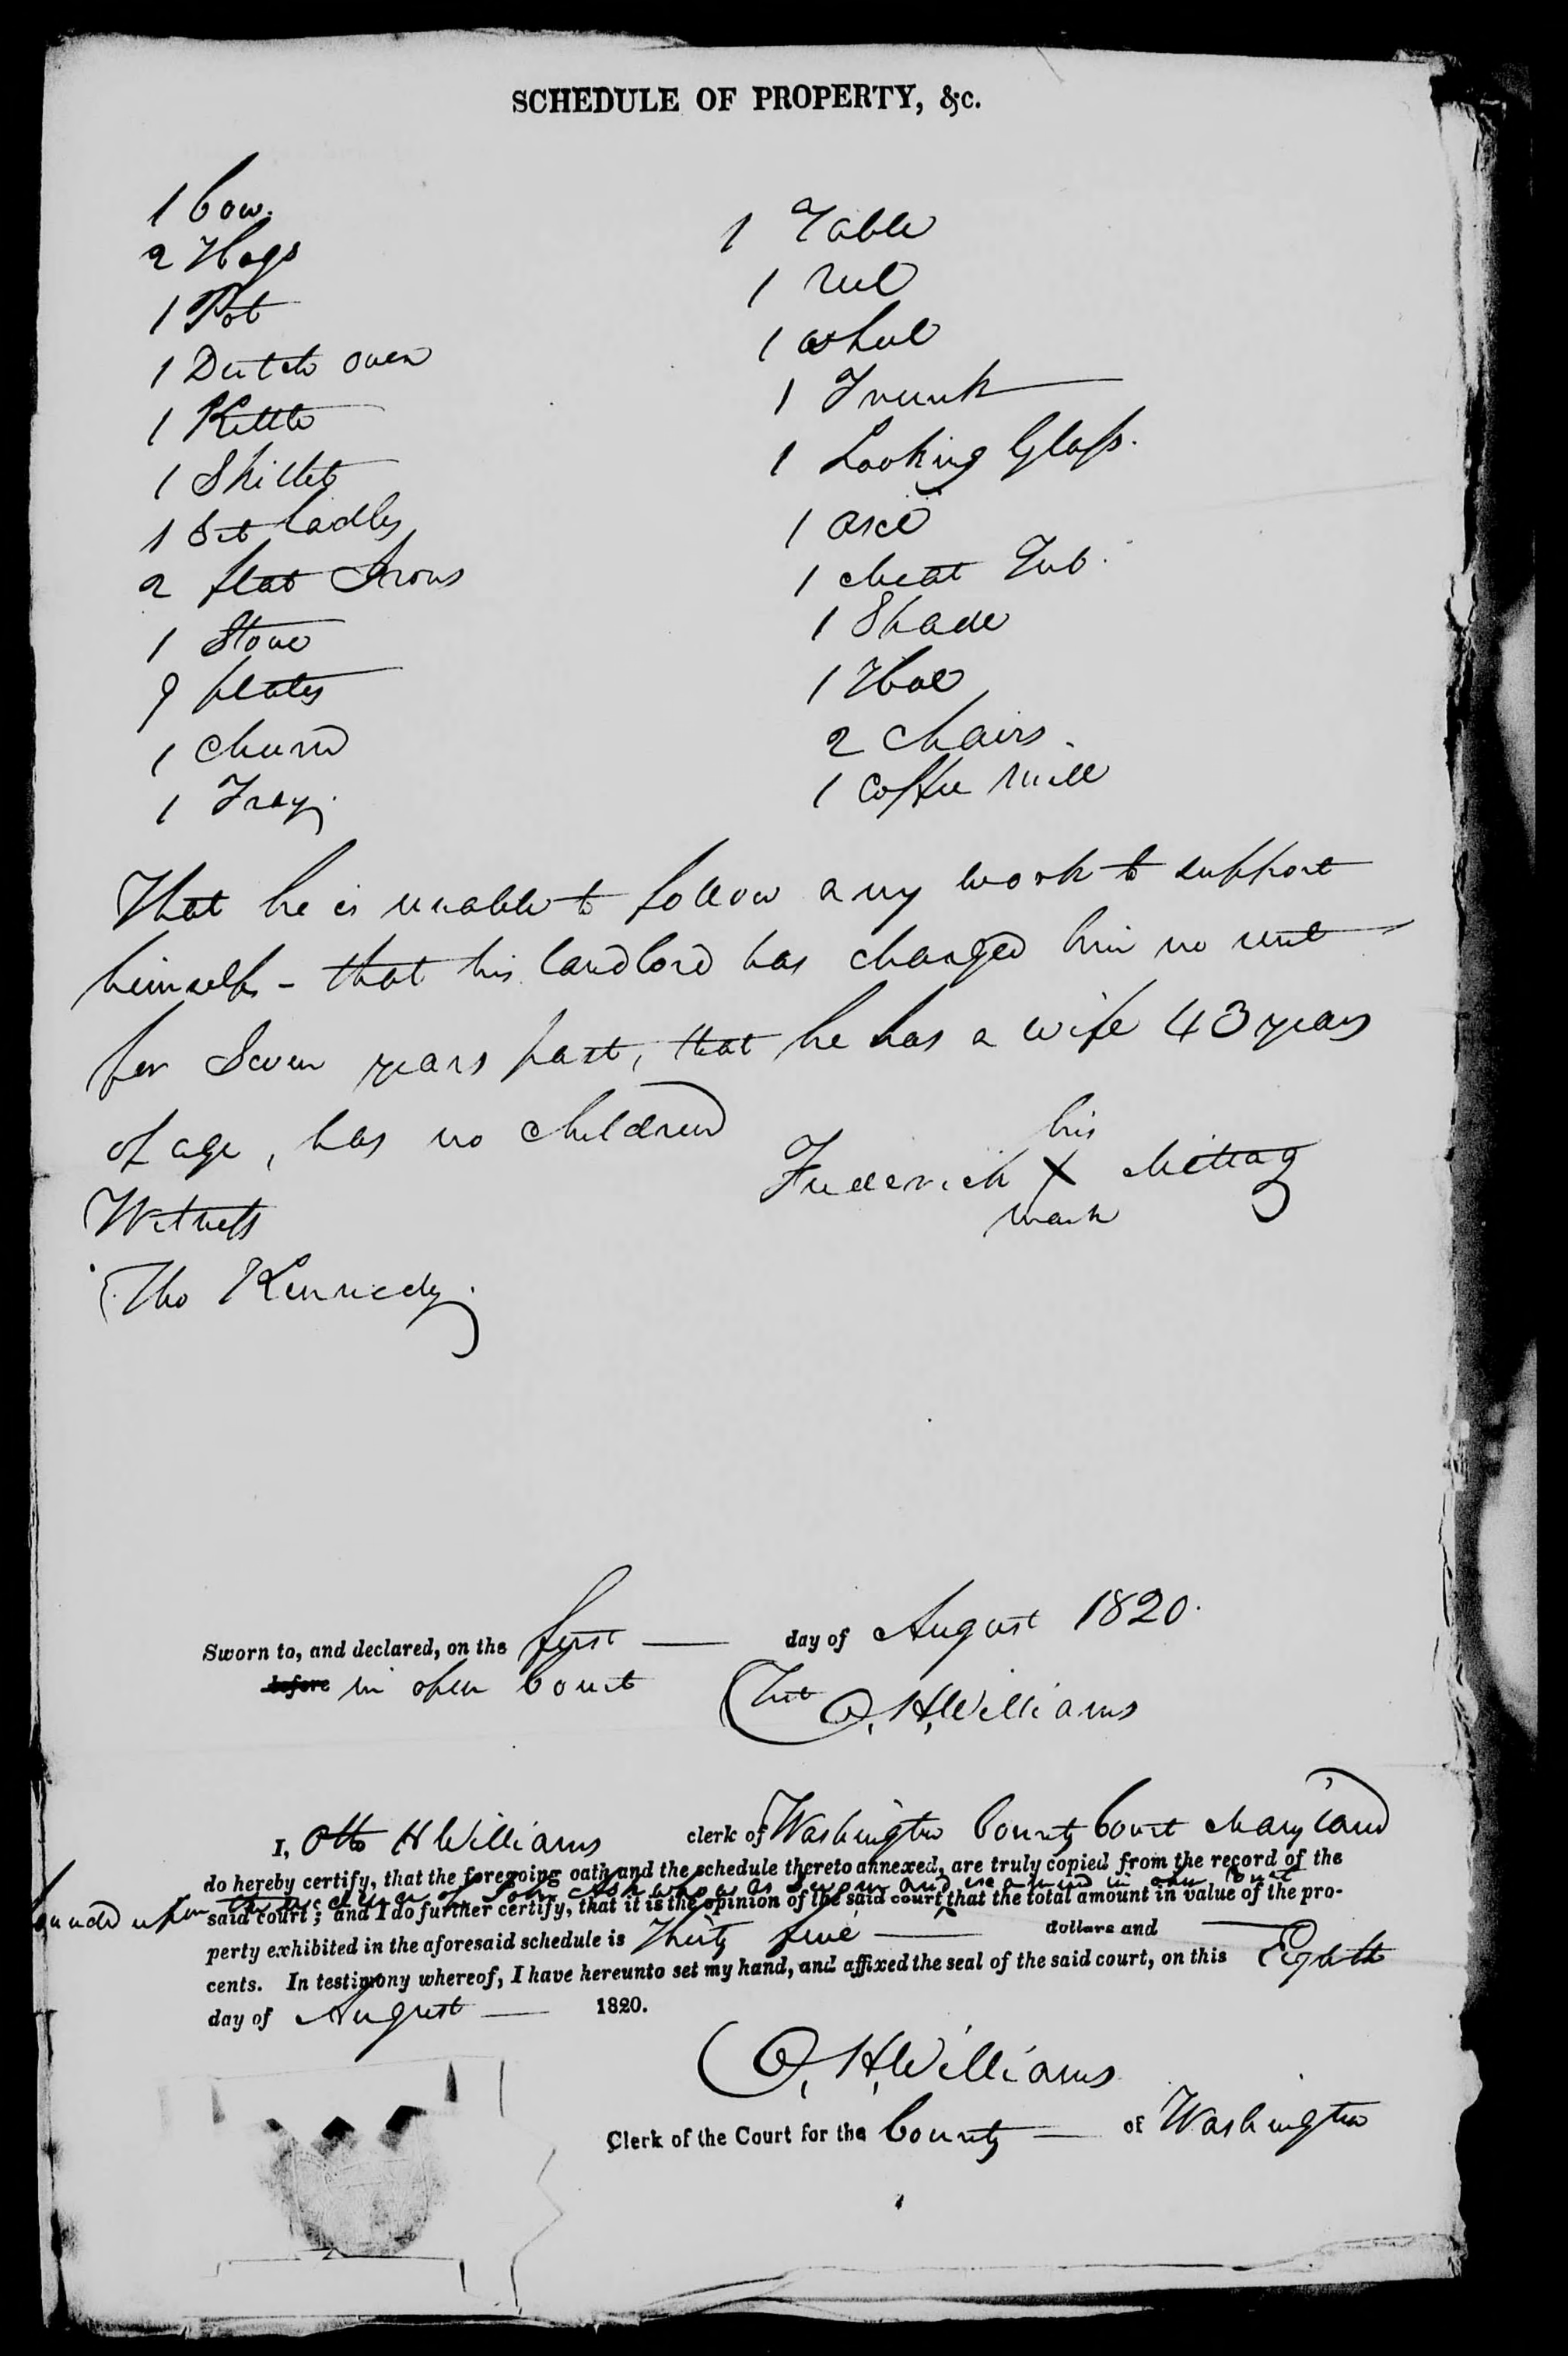SCHEDULE OF PROPERTY, &c.

1 bow 
2 Hogs
1 Pot
1 Dutch oven
1 Kettle
1 Skillet
1 Set ladly
2 flat Irons
1 Stove
9 plates
1 churner
1 Tray

1 Table
1 reel
1 wheel
1 Trunk
1 Looking Glass
1 Rice
1 cheat Tub
1 Shade
1 Hat
2 chairs
1 coffee mill

That he is unable to follow any work to support himself_ that his landlord has charged him no rent for Seven years past, that he has a wife 43 years of age, has no children

Witness
The Kennedy

Frederick [his X mark] Mittag

I, P ["H" crossed out] H Williams clerk of Washington County Court Maryland do hereby certify, that the foregoing oath and the schedule thereto annexed, are truly copied from the record of the said court; and I do further certify, that it is the opinion of the said court ^[illegible] when the [illegible] of John Ash who was sworn and [illegible] in open Court that the total amount in value of the property exhibited in the aforesaid schedule is Thirty five dollars and -- cents. In testimony whereof, I have hereunto set my hand, and affixed the seal of the said court, on this Eighth day of August 1820.

P H Williams
Clerk of the Court for the County of Washington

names: P H Williams; Frederick Mittag; John Ash; H Williams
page: 9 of 13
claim: survivor's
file: S. 34999, for Frederick Mittag, Maryland